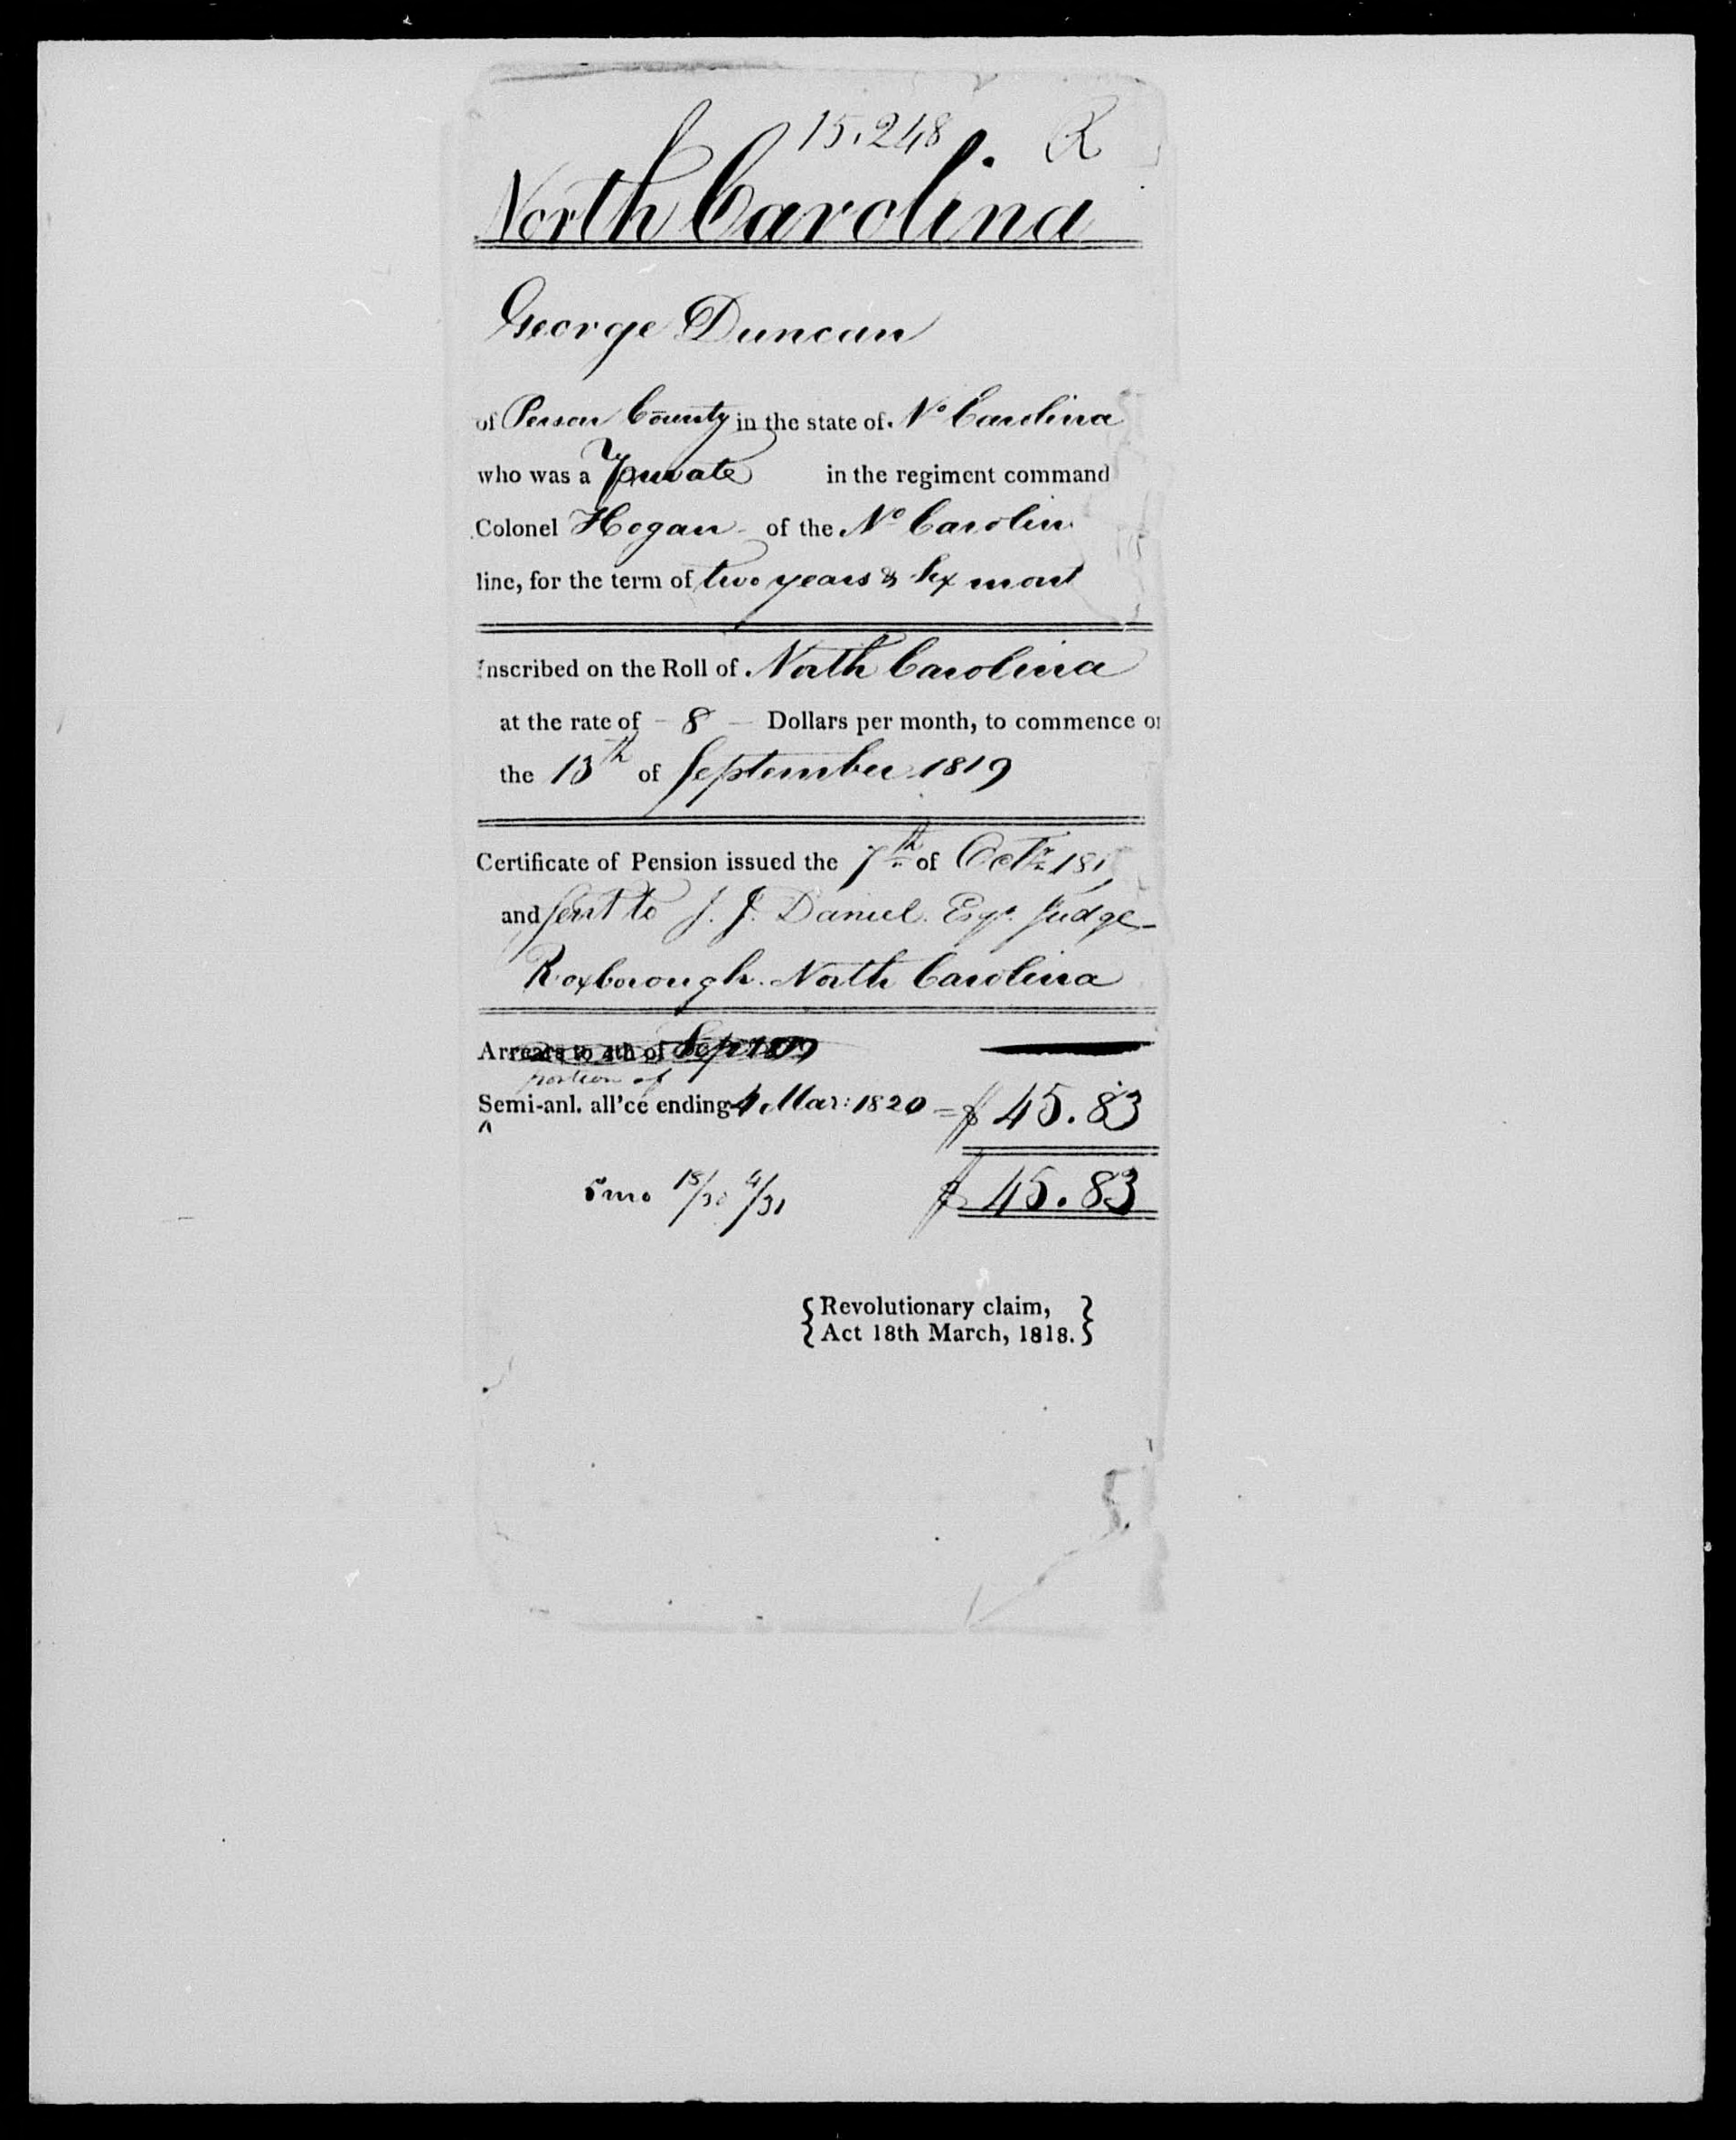15.248    R
North Carolina

George Duncan

of Person County in the state of No Carolina who was a private in the regiment command Col Hogan of the No Carolina line, for the term of two years & six months

Inscribed on the Roll of North Carolina
at the rate of 8 Dollars per month, to commence on the 13th of September 1819

Certificate of Pension issued the 7th of Oct.  181(smeared) and sent to J. J. Daniel Esqr. Judge Roxborough North Carolina

Portion of 
Semi-anl. all'ce ending dollar: 1820  = $45.83

5 mo 15/30  4/31                        (total)  $45.83

{Revolutionary claim,    }
{Act 18th March, 1818. }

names: George Duncan, Hogan, J J Daniel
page: 16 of 49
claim: survivor's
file: S. 41513, George Duncan, N.C.